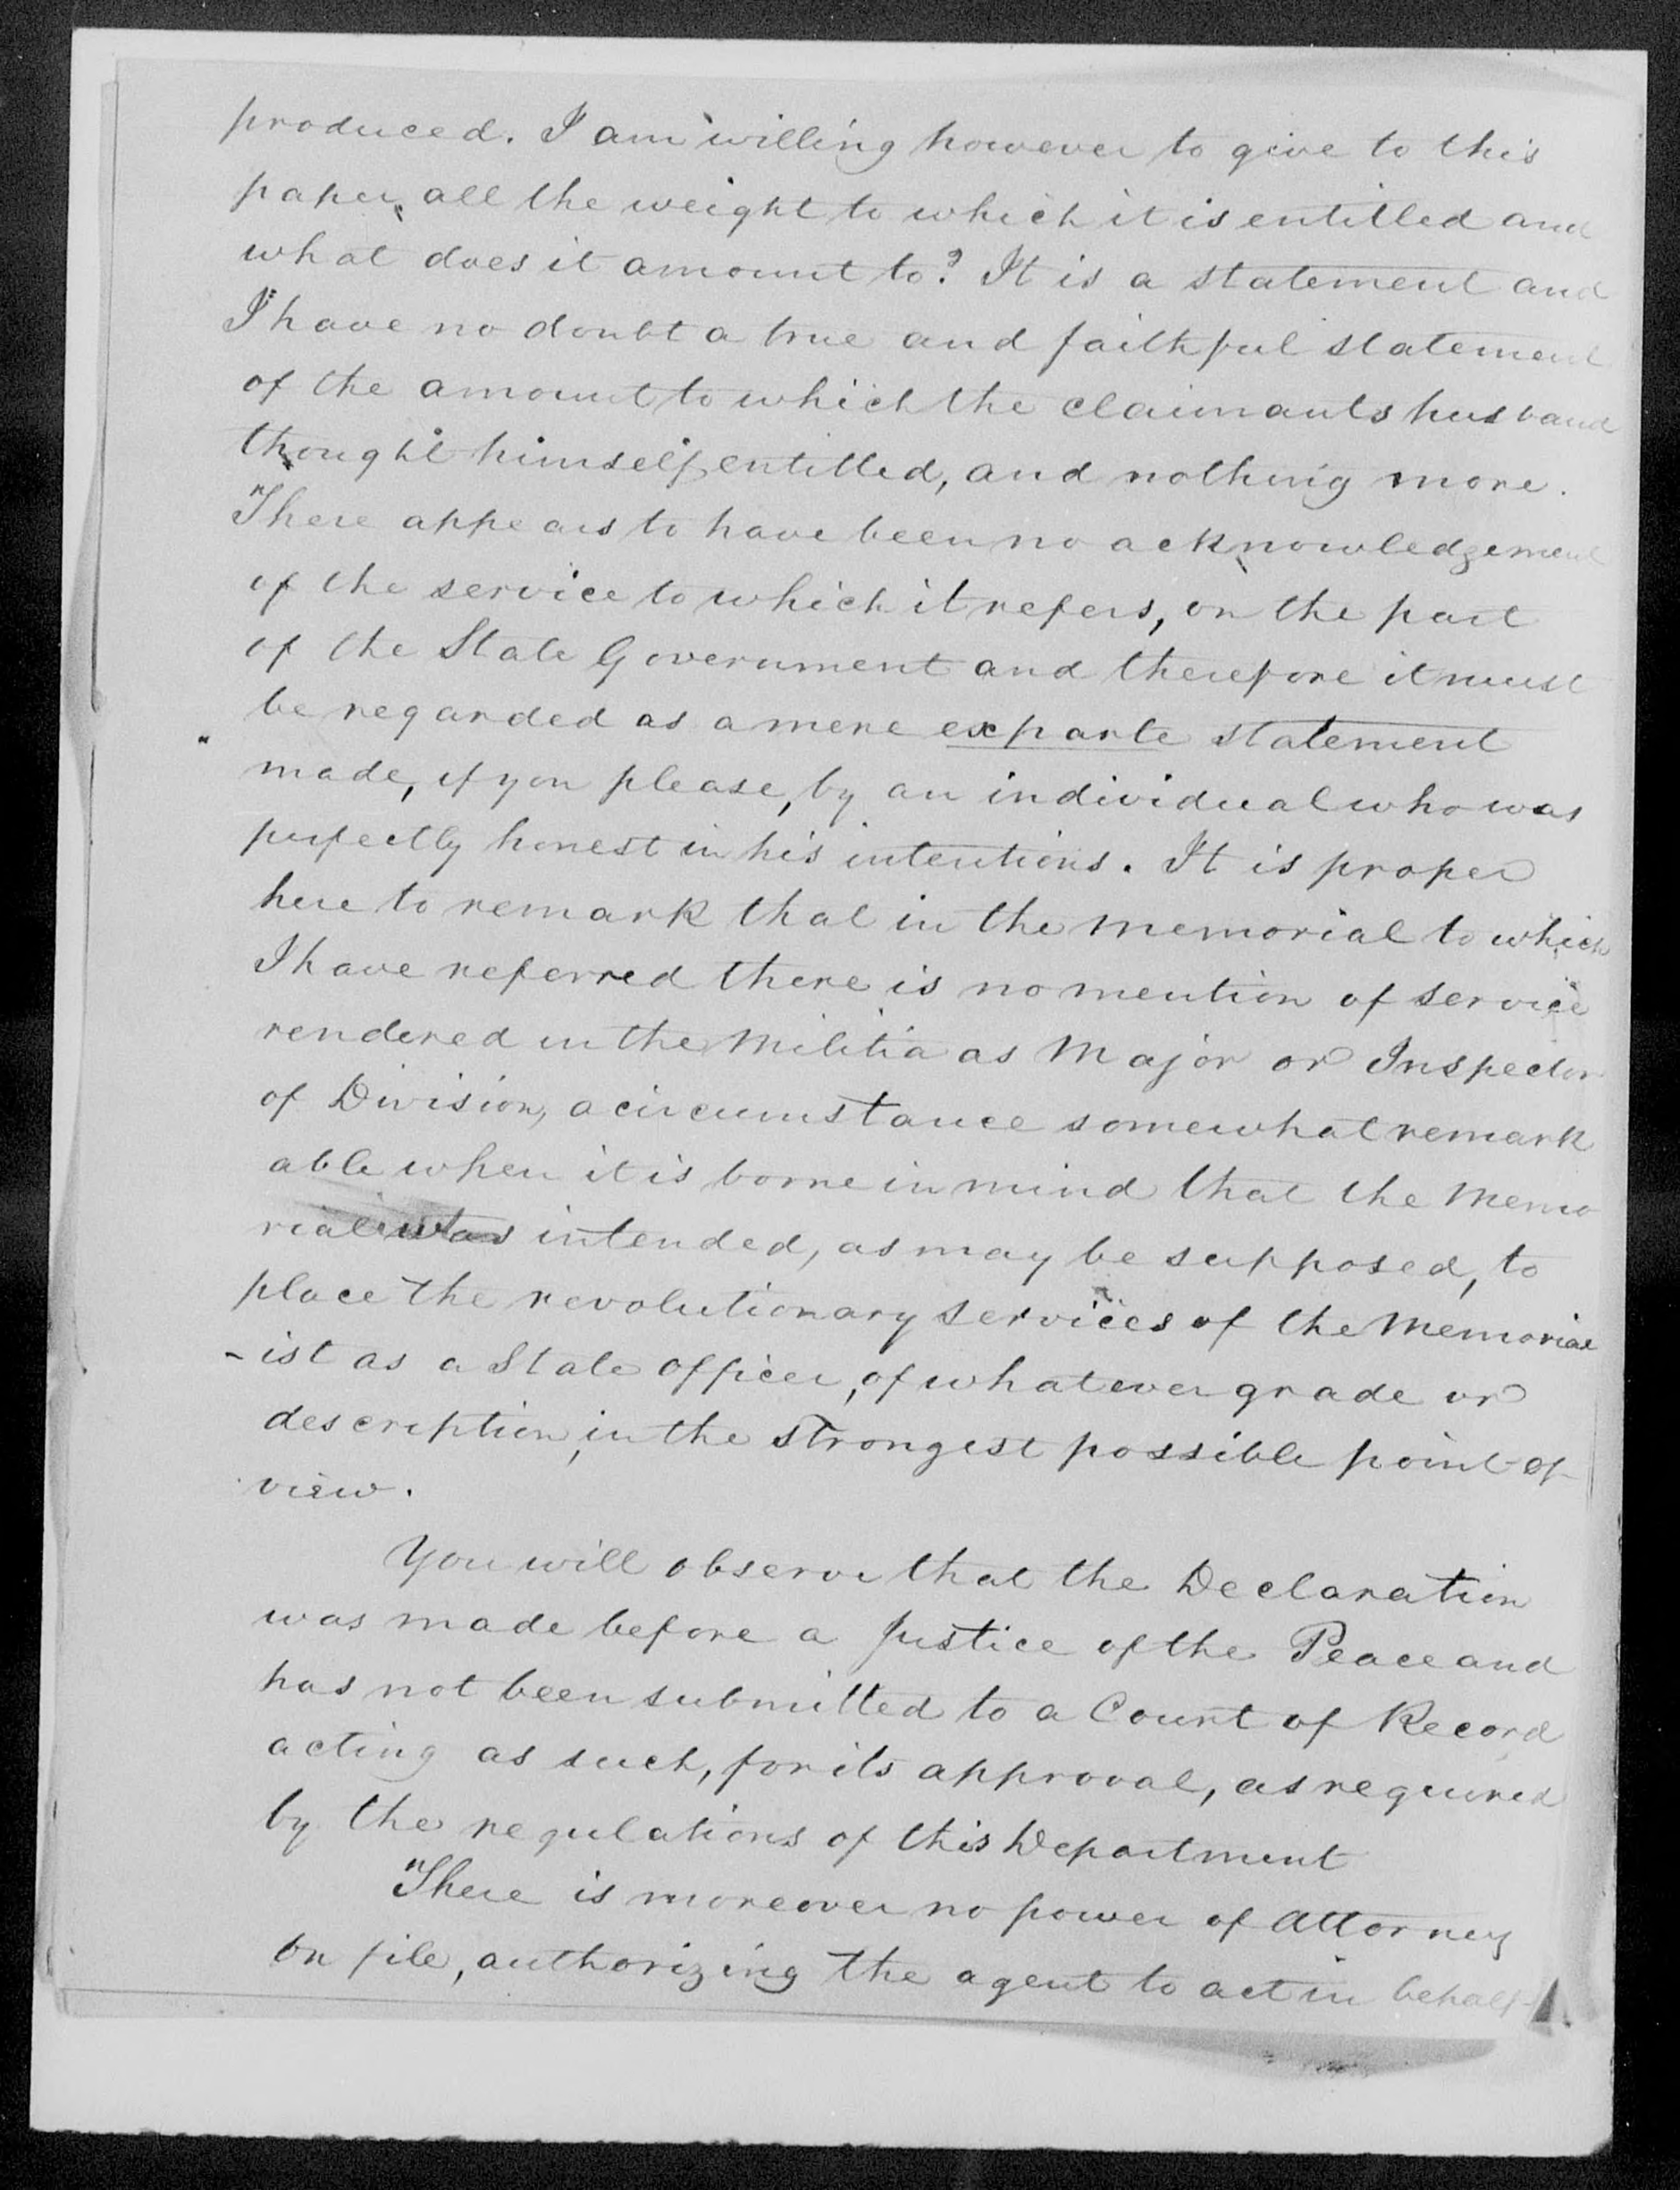produced. I am willing, however, to give to this paper, all the weight to which it is entitled and what does it amount to? It is a statement and I have no doubt a true and faithful statement of the amount to which the claimants husband thought himself entitled, and nothing more. There appears to have been no acknowledgement of the service to which it refers, on the part of the State Government and therefore it must be regarded as a more [begin underline] ex parte [end underline] statement made, if you please, by an individual who was perfectly honest in his intentions. It is proper here to remark that in the memorial to which I have referred there is no mention of service rendered in the Militia as Major or Inspection of Division, a circumstance somewhat remarkable when it is borne in mind that the memorial was intended, as may be supposed, to place the revolutionary services of the memorialist as a State officer, of whatever grade or description, in the strongest possible point of view.
You will observe that the Declaration was made before a Justice of the Peace and had not been submitted to a Court of Record acting as such, for its apparent, as required by the regulations of this Department.
There is moreover no power of Attorney on file, authorizing the agent to act in behalf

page: 89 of 267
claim: widow's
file: W. 4,149, William Campbell, Va.